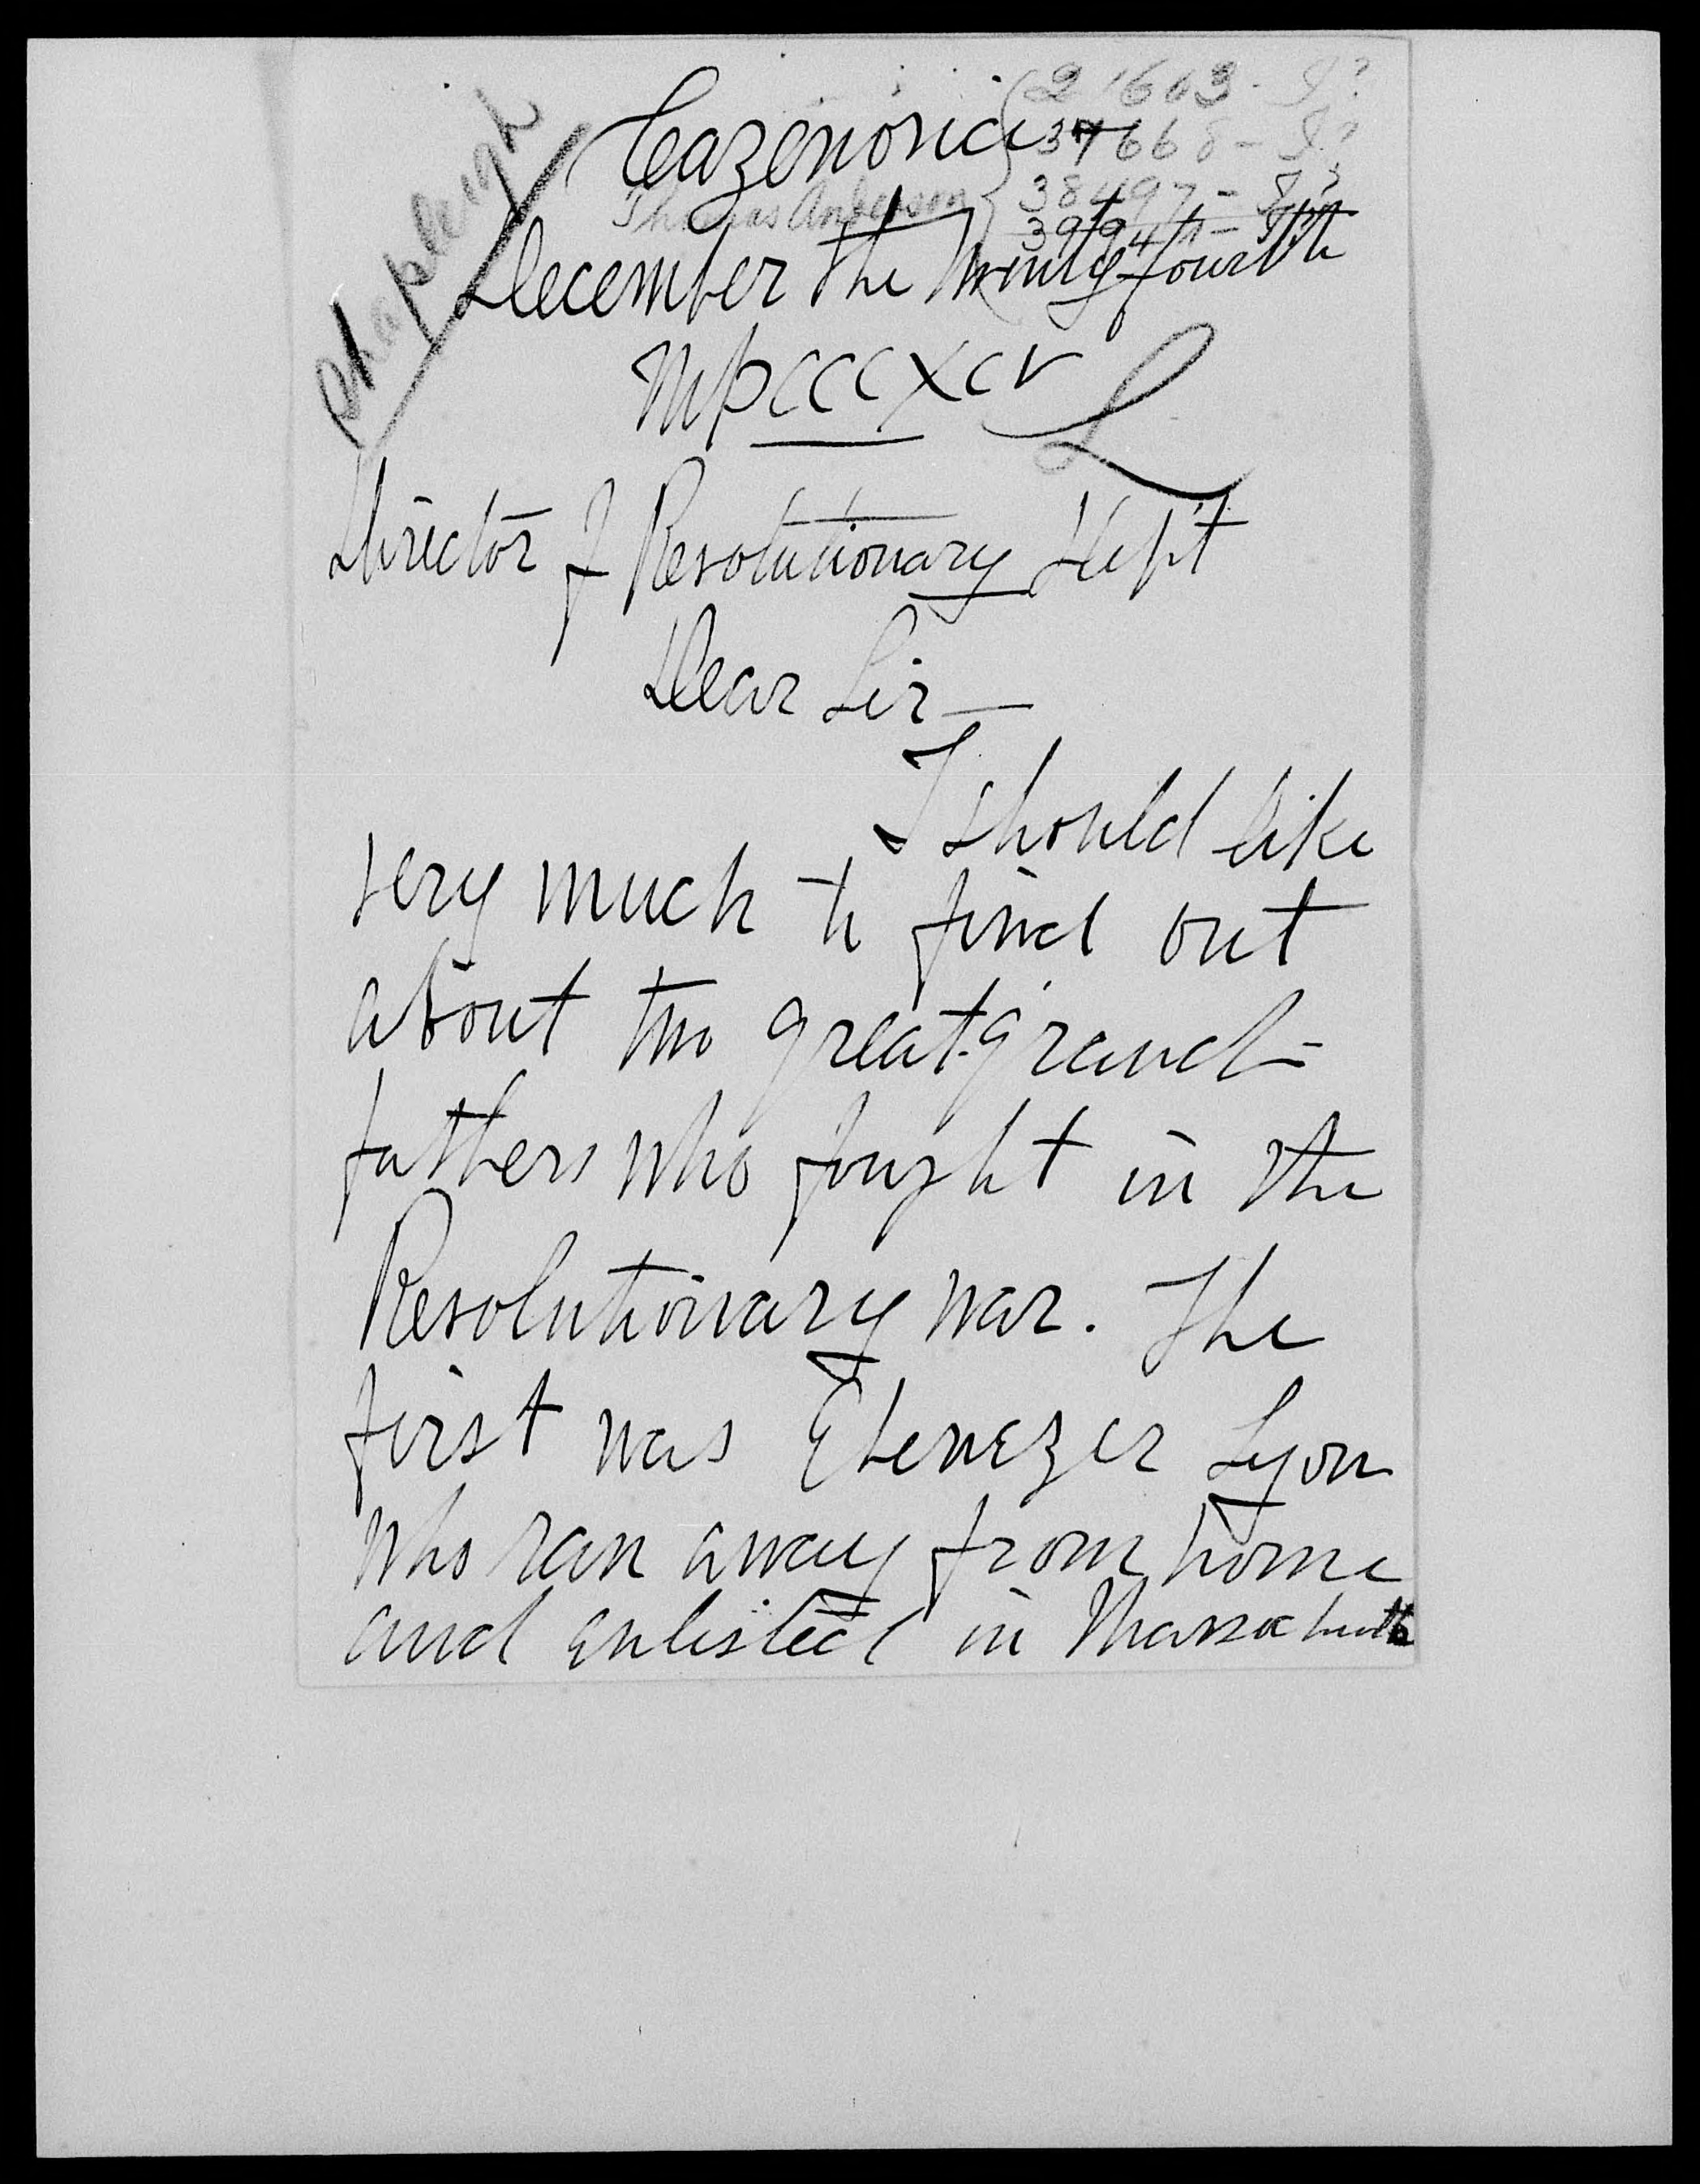shapleigh
21603-J?
37668-J?
38497-J?
39947 -J?
Thomas Anderson

Cazenovia
December the twenty fourth
MPCCCXCV
L
Director of Revolutionary Dept
Dear Sir-
I should like very much to find out about two great-grandfathers who fought in the Revolutionary war. The first was Ebenezer Lyon who ran away from home and enlisted in Massachusetts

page: 18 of 40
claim: widow's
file: W. 24,615, for Ebenezer Lyon, Connecticut